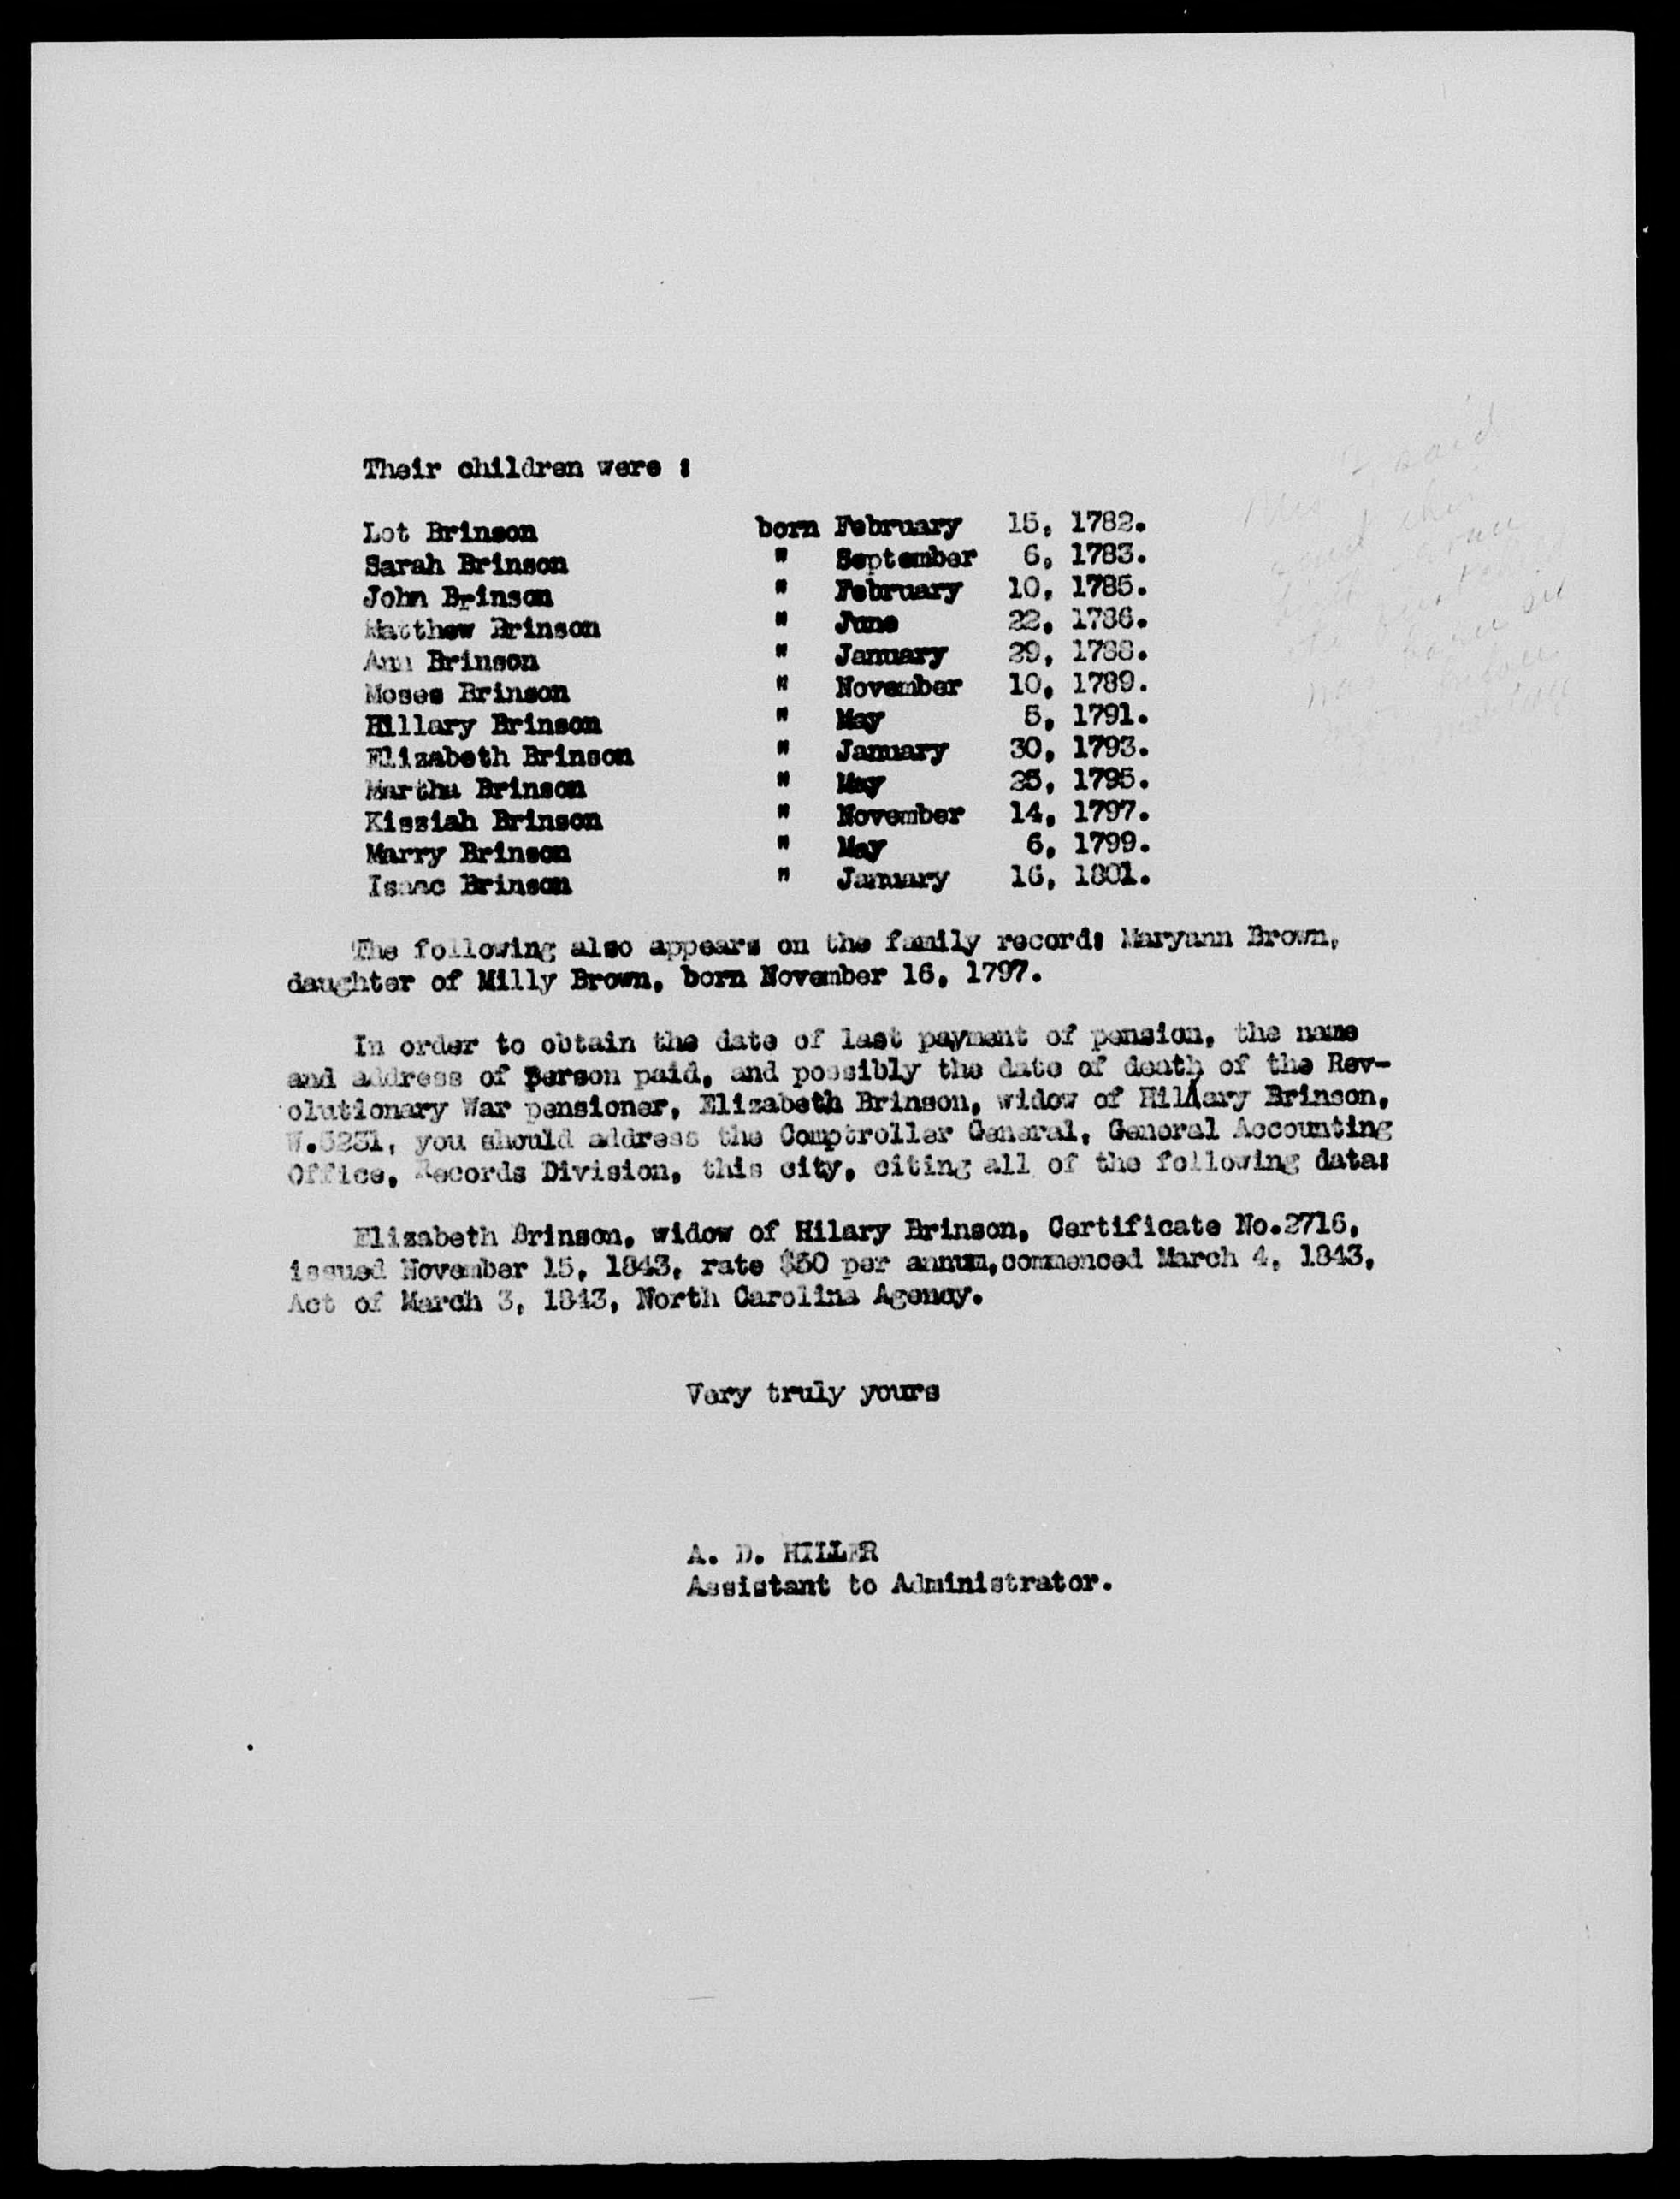Their children were:

Lot Brinson..................born February 15, 1782 
Sarah Brinson................" September 6, 1783 
John Brinson................." February 10 1785 
Matthew Brinson ......... " June 22, 1786 
Ann Brinson...................." January 29, 1788 
Moses Brinson..............." November 10, 1789 
Hillary Brinson................" May 5, 1791 
Elizabeth Brinson ............" January 30, 1793 
Martha Brinson ..............." May 25, 1795 
Kissiah Brinson..............." November 14, 1797 
Marry Brinson................ " May 6, 1799 
Isaac Brinson.................." January 16, 1801

[illegible note handwritten in margin]

The following also appears on the family record: Maryann Brown, daughter of Milly Brown, born November 16, 1797.

In order to obtain the date of last payment of pension, the name and address of person paid, and possibly the date of death of the Revolutionary War pensioner, Elizabeth Brinson, widow of Hillary Brinson, 2.5231, you should address the Comptroller General, General Accounting Office, Records Division, this city, citing all of the following data:

Elizabeth Brinson, widow of Hilary Brinson, Certificate No. 2716, issued November 15, 1843, rate $50 per annum, commenced March 4, 1843, Act of March 3, 1843, North Carolina Agency.

Very truly yours

A.D. Hiller
Assistant to Administrator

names: A D Hiller, Maryann Brown, Marry Brinson, Elizabeth Brinson, Kissiah Brinson, Elizabeth Brinson, Lot Brinson, Hillary Brinson, Moses Brinson, Sarah Brinson, Milly Brown, Matthew Brinson, Hillary Brinson, John Brinson, Ann Brinson, Martha Brinson, Elizabeth Brinson, Hilary Brinson, Isaac Brinson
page: 38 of 38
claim: widow's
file: W. 5231, Hilary Brinson, N.C.